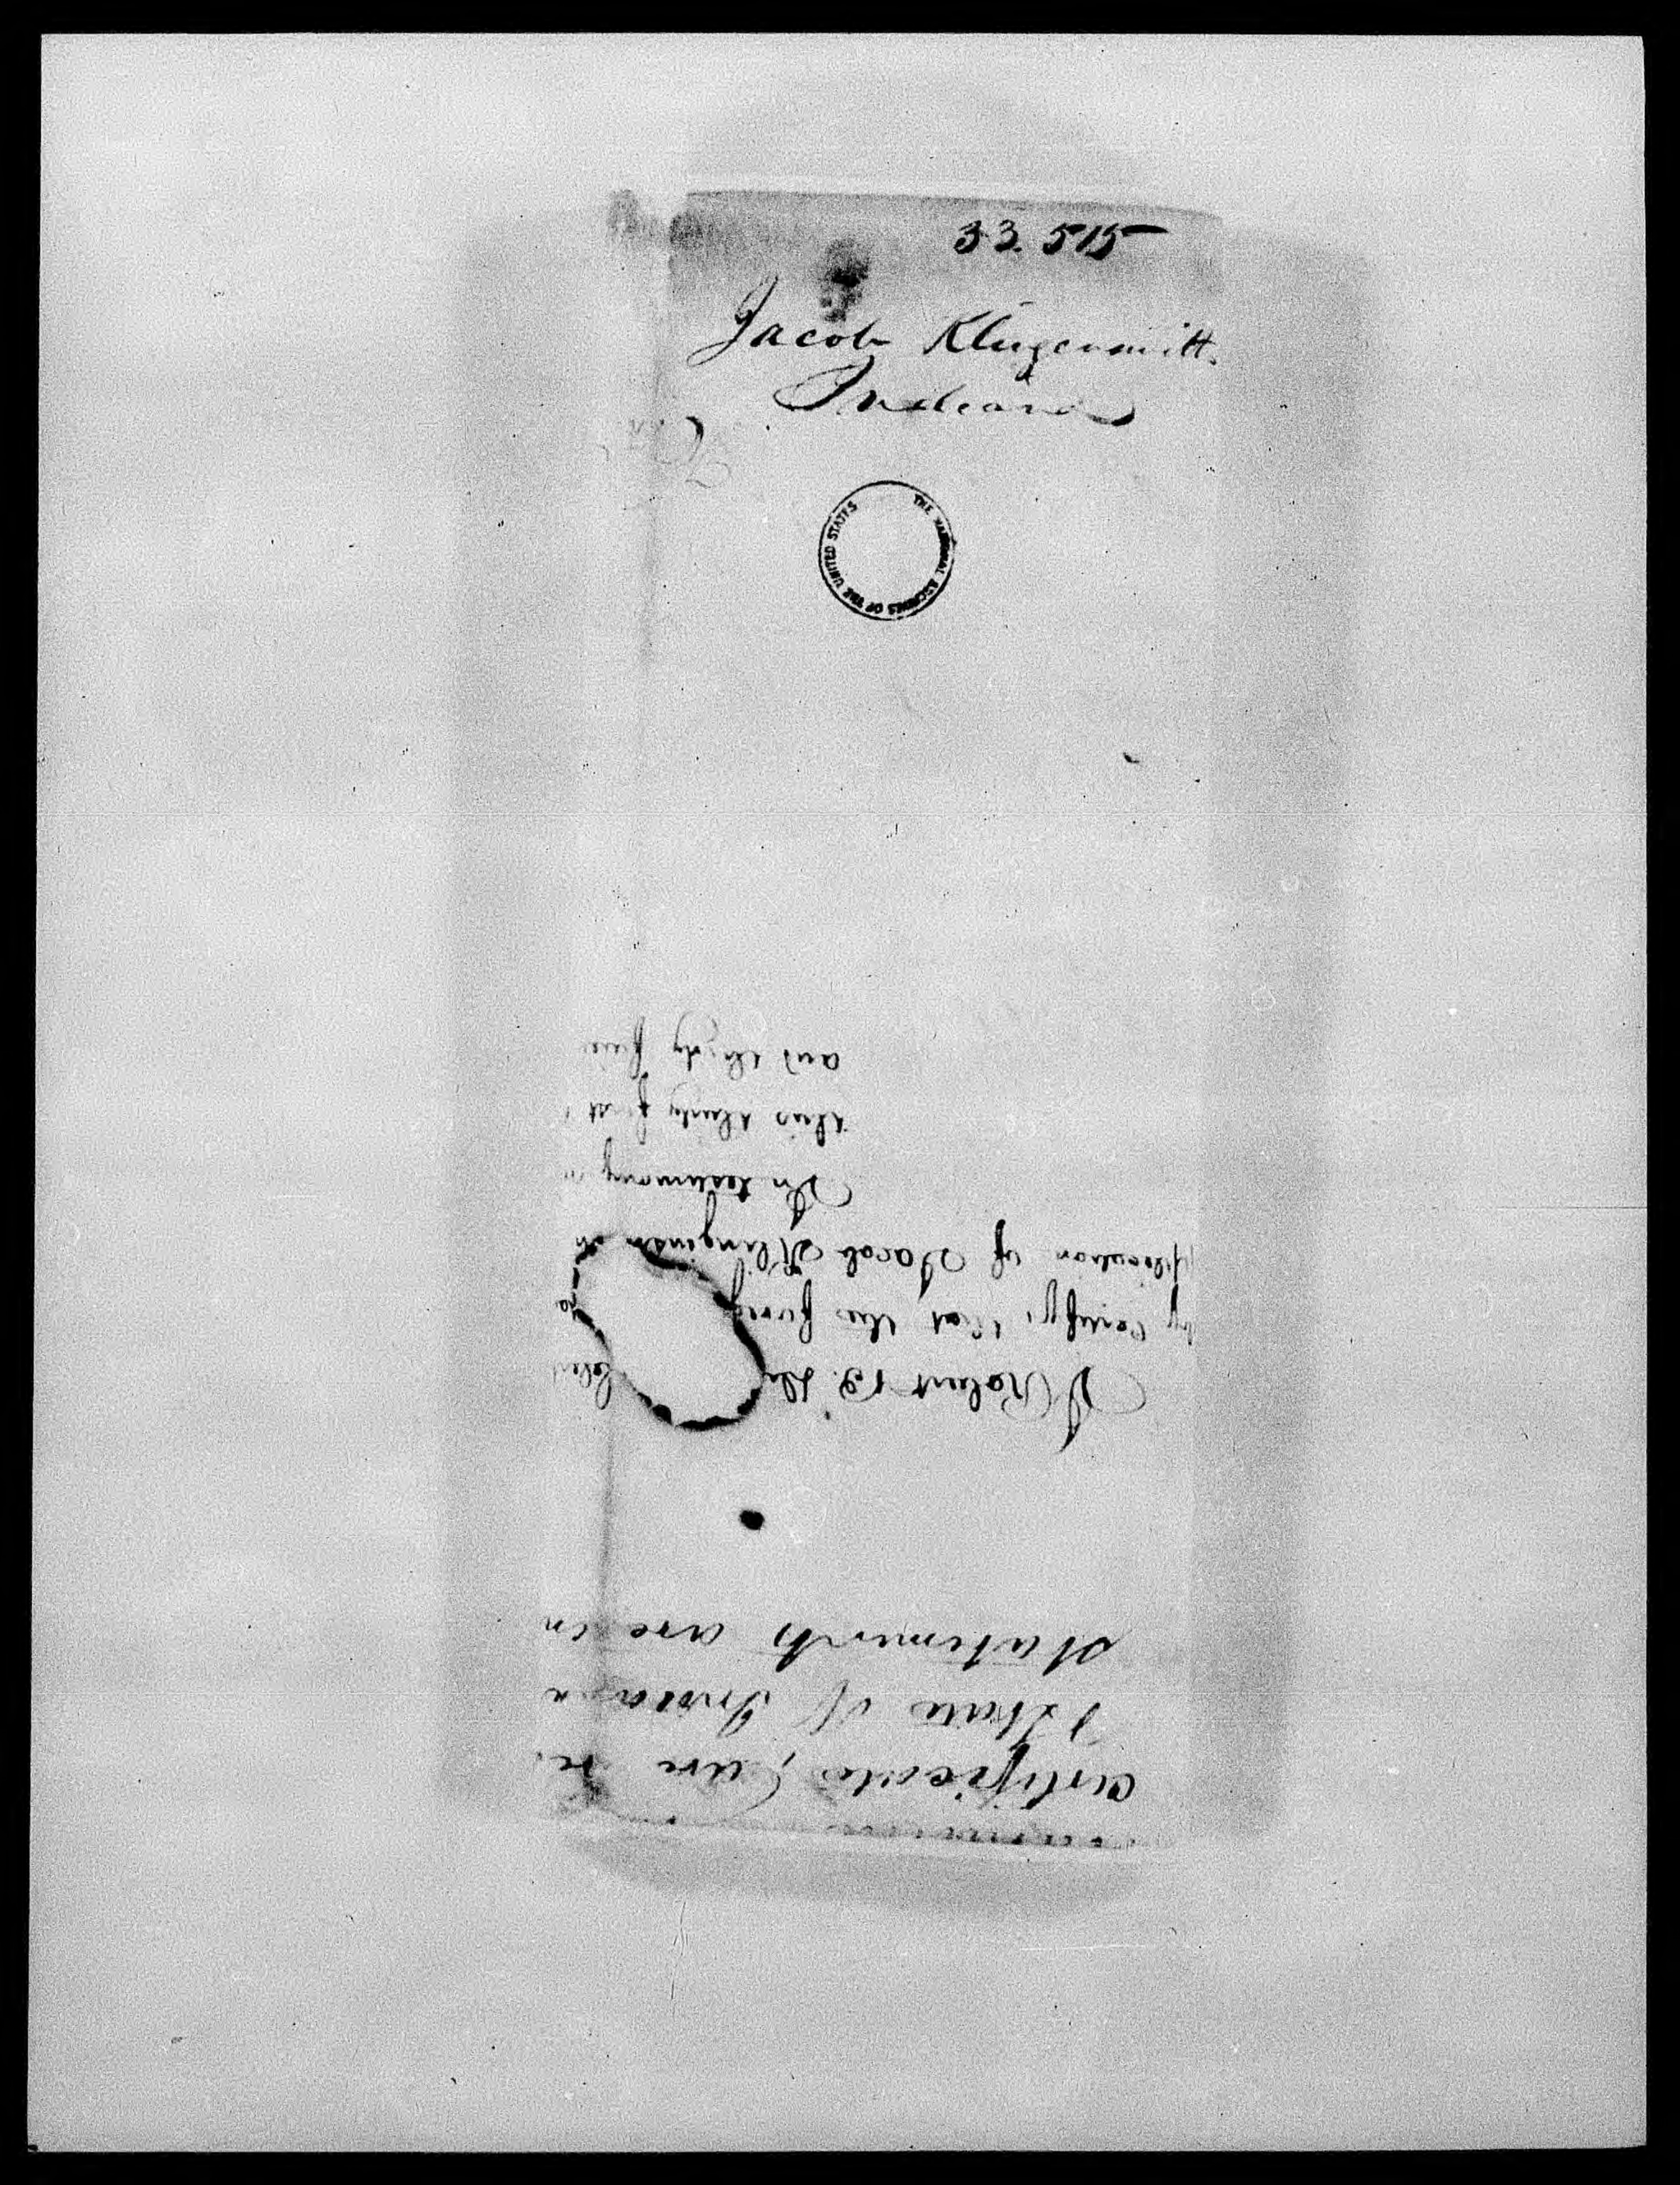33.515

Jacob Klingensmith
Indiana

Circular stamp in evidence
The [ illegible] of the United Stated

[Written upside down on partially folded paper]

certificates are be [ fold]
State of Indiana [fold]
Statements are [fold]

I Robert B. D [illegible]
Certify, that the fing[illegible]
[illegible]cution of Jacob Klinginsmith{ illegible]
In testimony 
this thirty-first [fold]
And thirty [illegible]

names: Robert B Duncan; Jacob Klingensmith; Jacob Klinginsmith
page: 6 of 14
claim: rejected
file: R. 6005, for Jacob Klinginsmith, Pennsylvania